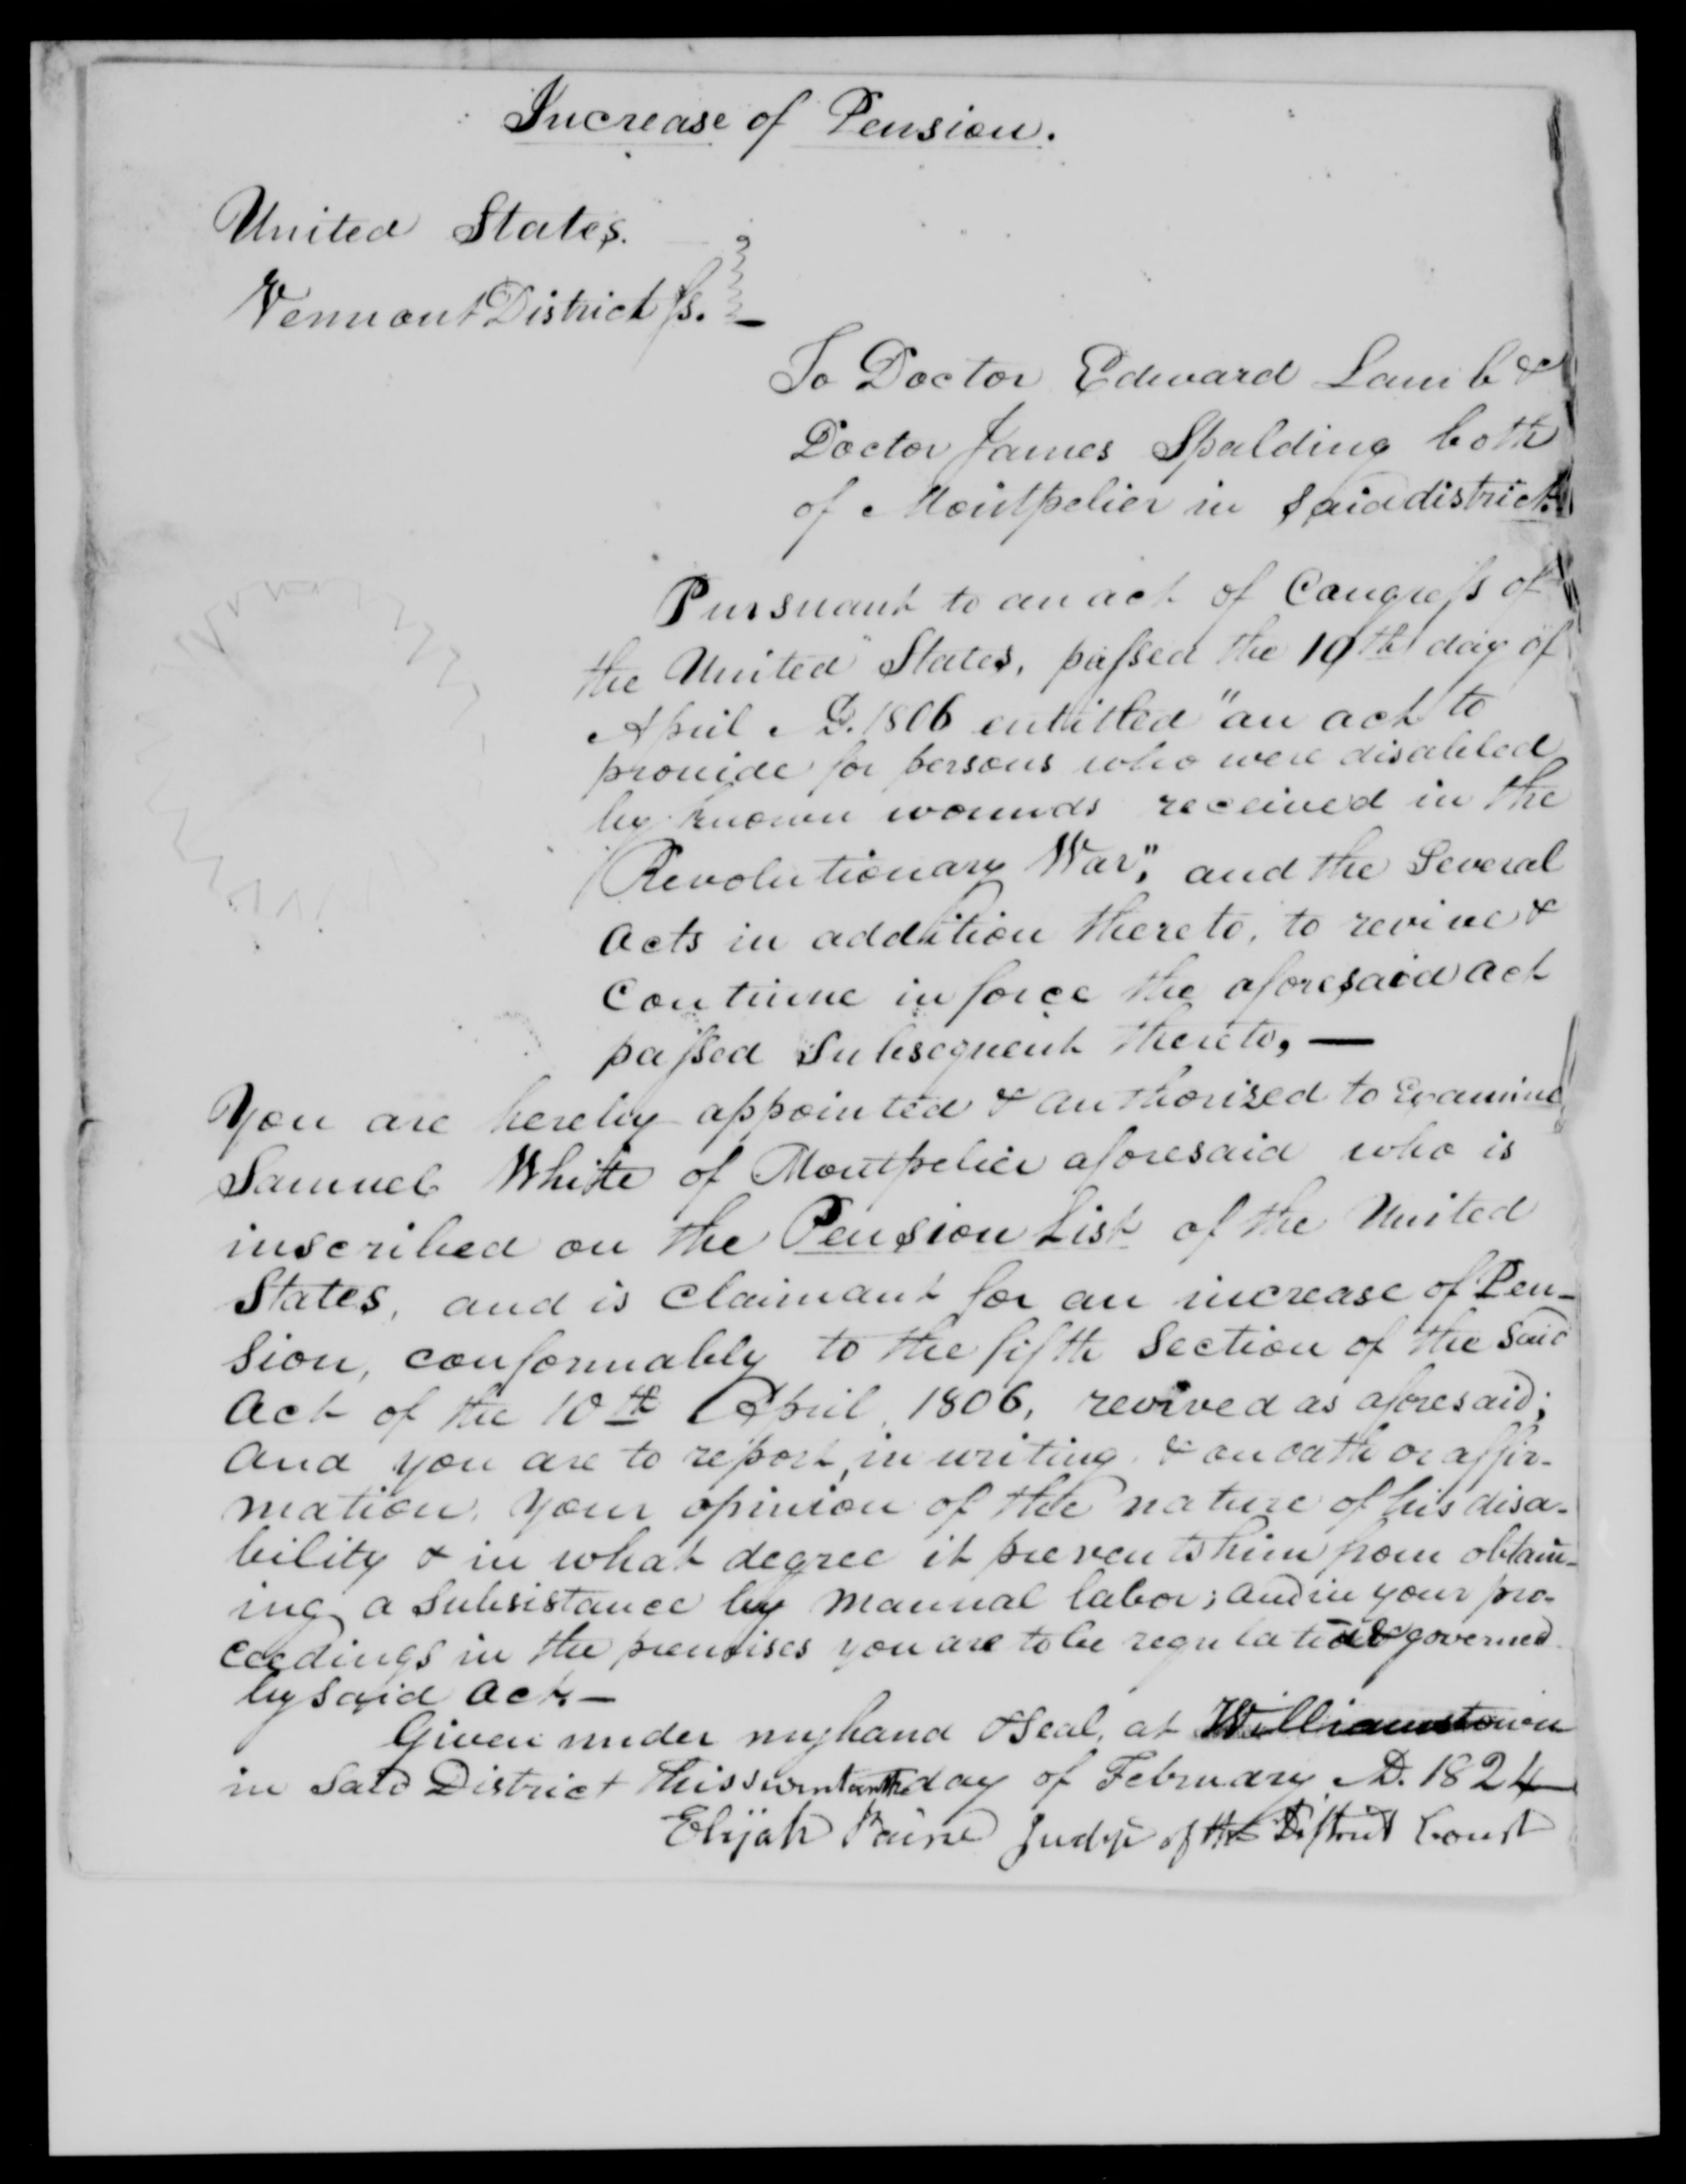Increase of Pension
United States
Vermont District Ss.
To Doctor Edward Lamb & Doctor James Spalding both of Montpelier in said district.

Pursuant to an act of Congress of the United States passed the 10th day of April AD 1806 entitled " an act to provide for persons who were disabled by known wounds received in the Revolutionary War," and the several acts in addition thereto, to revive & continue in force the aforesaid act passed subsequent thereto,--You are hereby appointed & authorised to examine Samuel White of Montpelier aforesaid who is inscribed on the Pension List of the United Sates and is claimant for an increase of pension, conformably to the fifth section of the said act of the 10th April 1806, revived as aforesaid and you are to report in writing & on oath or affirmation your opinion of the nature of his disability & in what degree it prevents him from obtaining a subsistance by manual labor; and in your proceedings in the premises you are to be regulated & governed by said act.
Given under my hand & seal at Williamstown in said District this seventeenth day of February AD. 1824
Elijah Paine Judge of the District Court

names: James Spalding, Edward Lamb, Samuel White, Elijah Paine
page: 48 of 79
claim: survivor's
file: S. 11759, Samuel White, Mass.